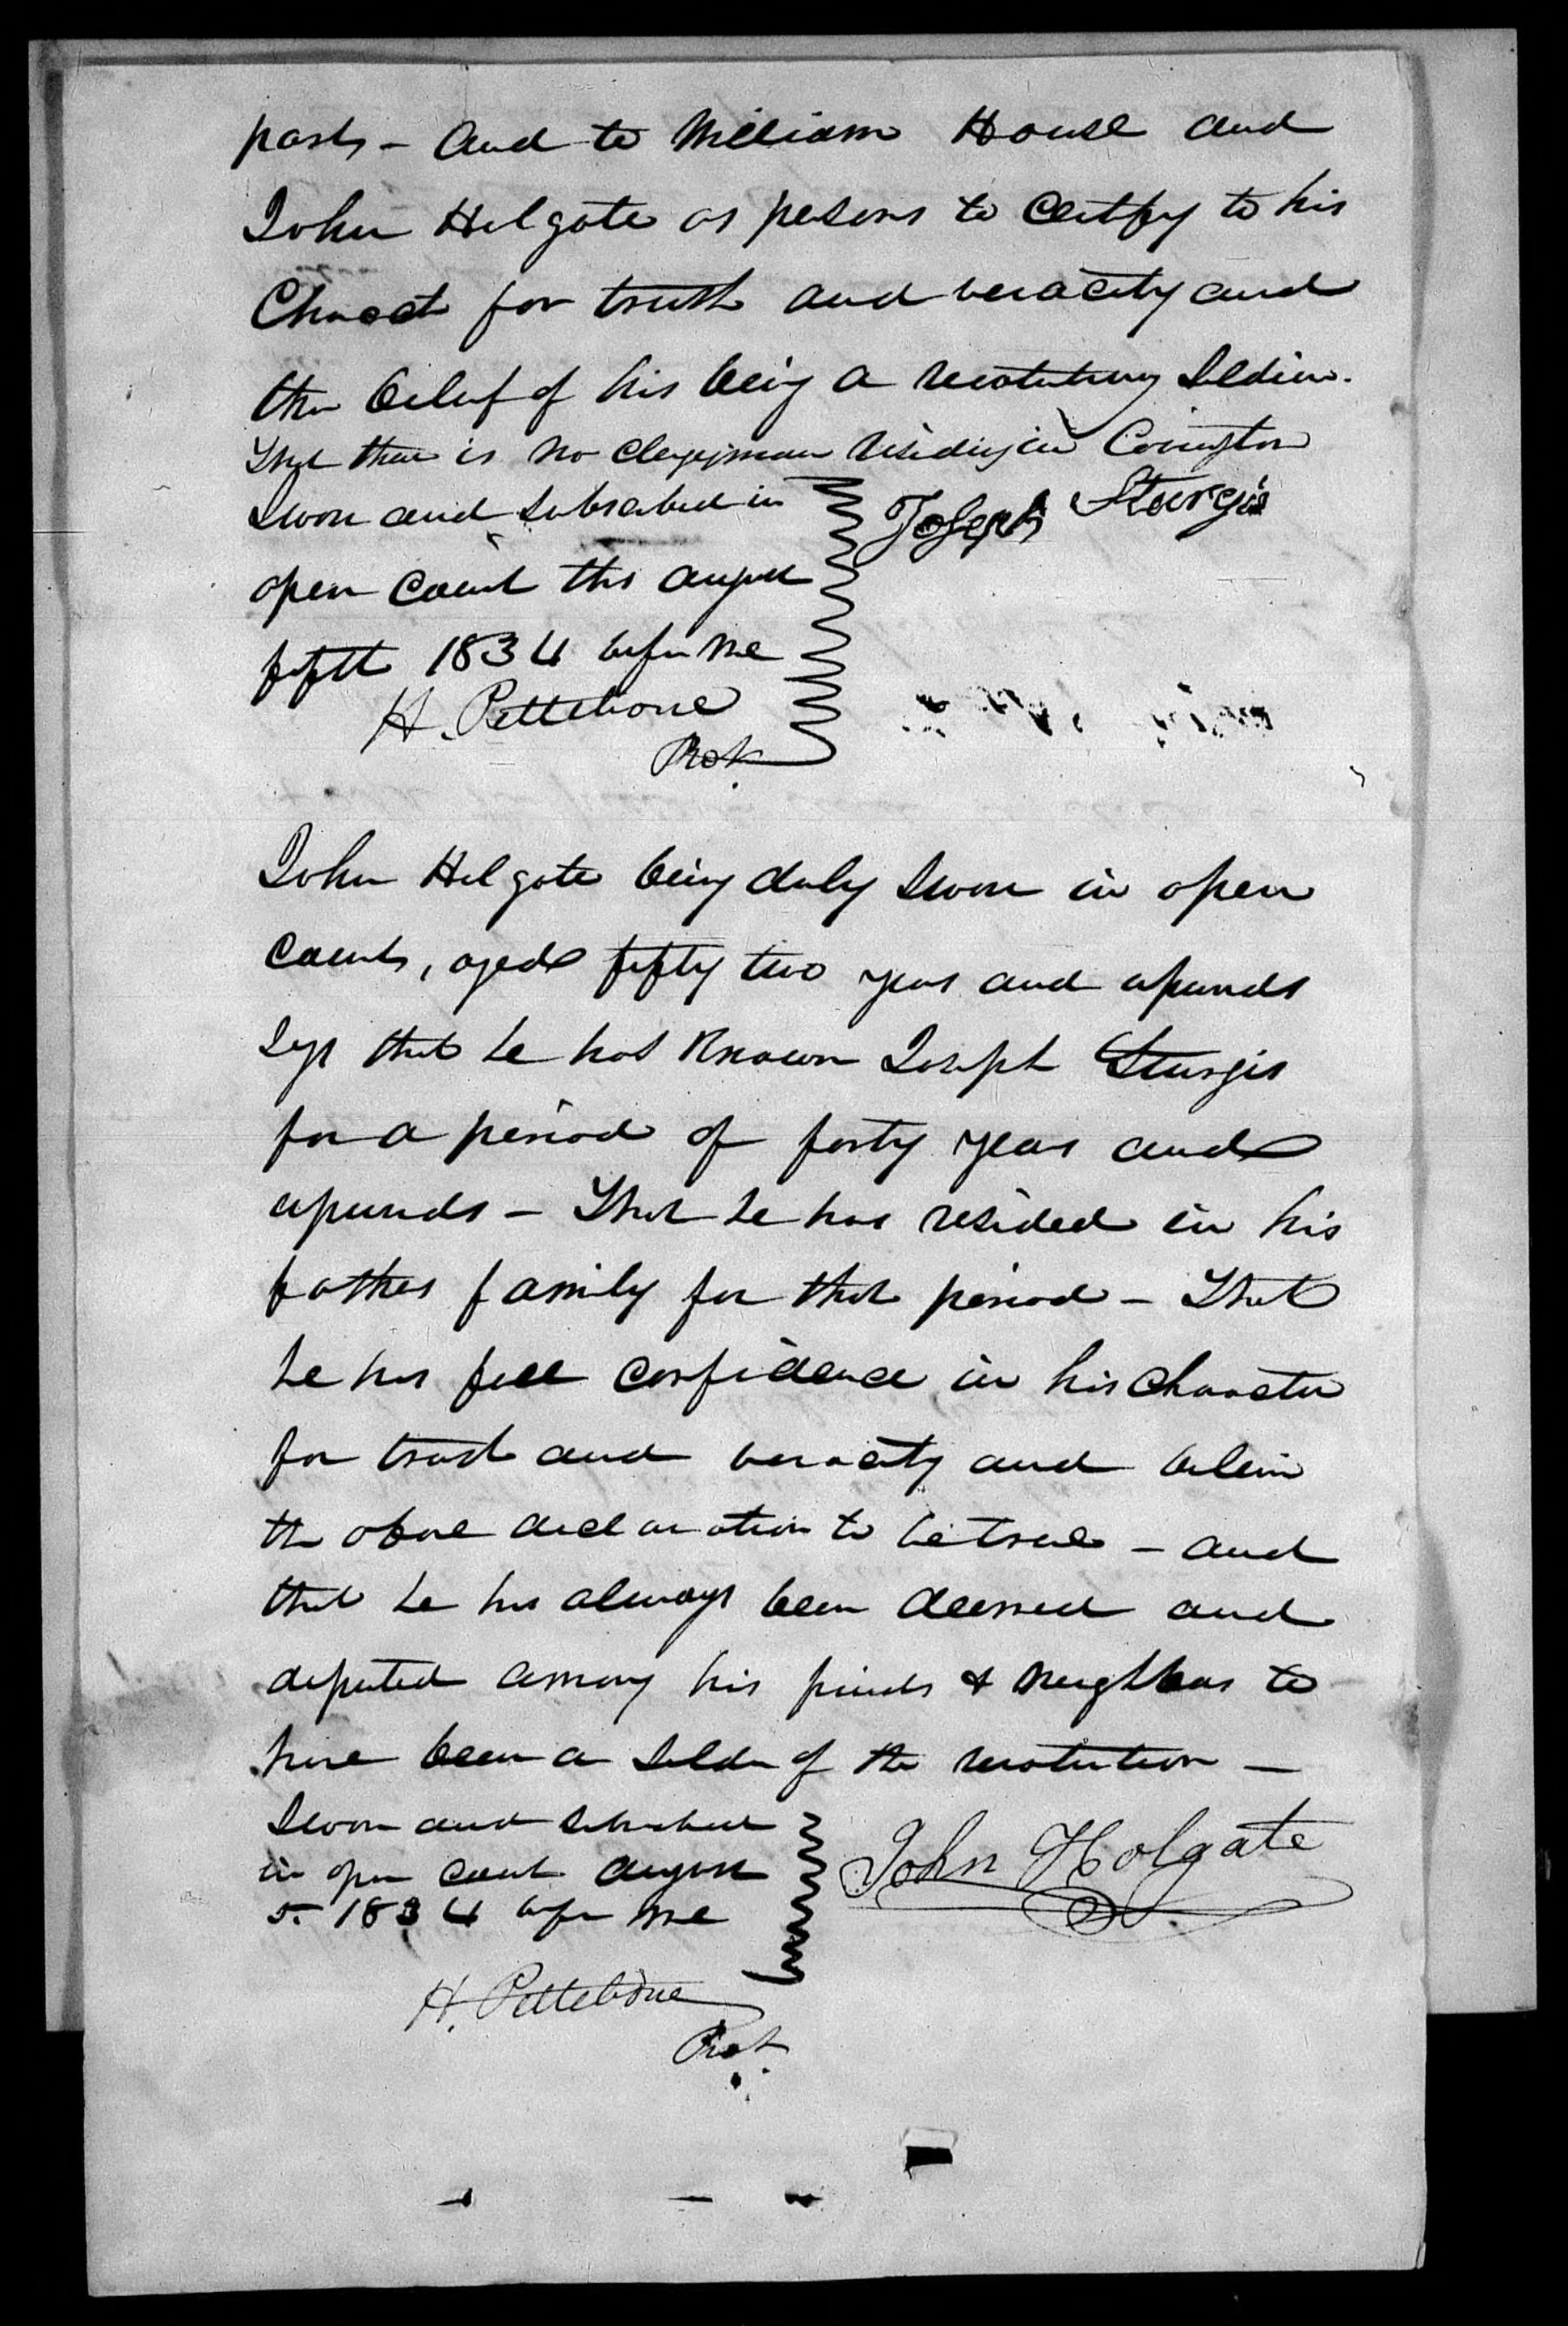part - and to William House and John Holgate as persons to certify to his Character for truth and veracity and the belief of his being a revolution Soldier.  That there is no clergyman residing in Covington -           
Joseph Sturgis
Sworn and subscribed in open Court this August fifth 1834 before me
H. Pettibone Prot }
John Holgate being duly sworn in open Court, aged fifty two years and upwards says that he has known Joseph Sturges for a period of forty years and upwards - That he has resided in his fathers family for that period. That he has full confidence in his Character for truth and veracity and believe the above declaration to be true, and that he has always been deemed and deputed among his friends & neighbors to have been a soldier of the revolution -    
John Holgate
Sworn and the in open Court August 5. 1834 before me
H. Pettibone Prot }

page: 8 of 31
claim: survivor's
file: S. 6154, for Joseph Sturgis, Pennsylvania